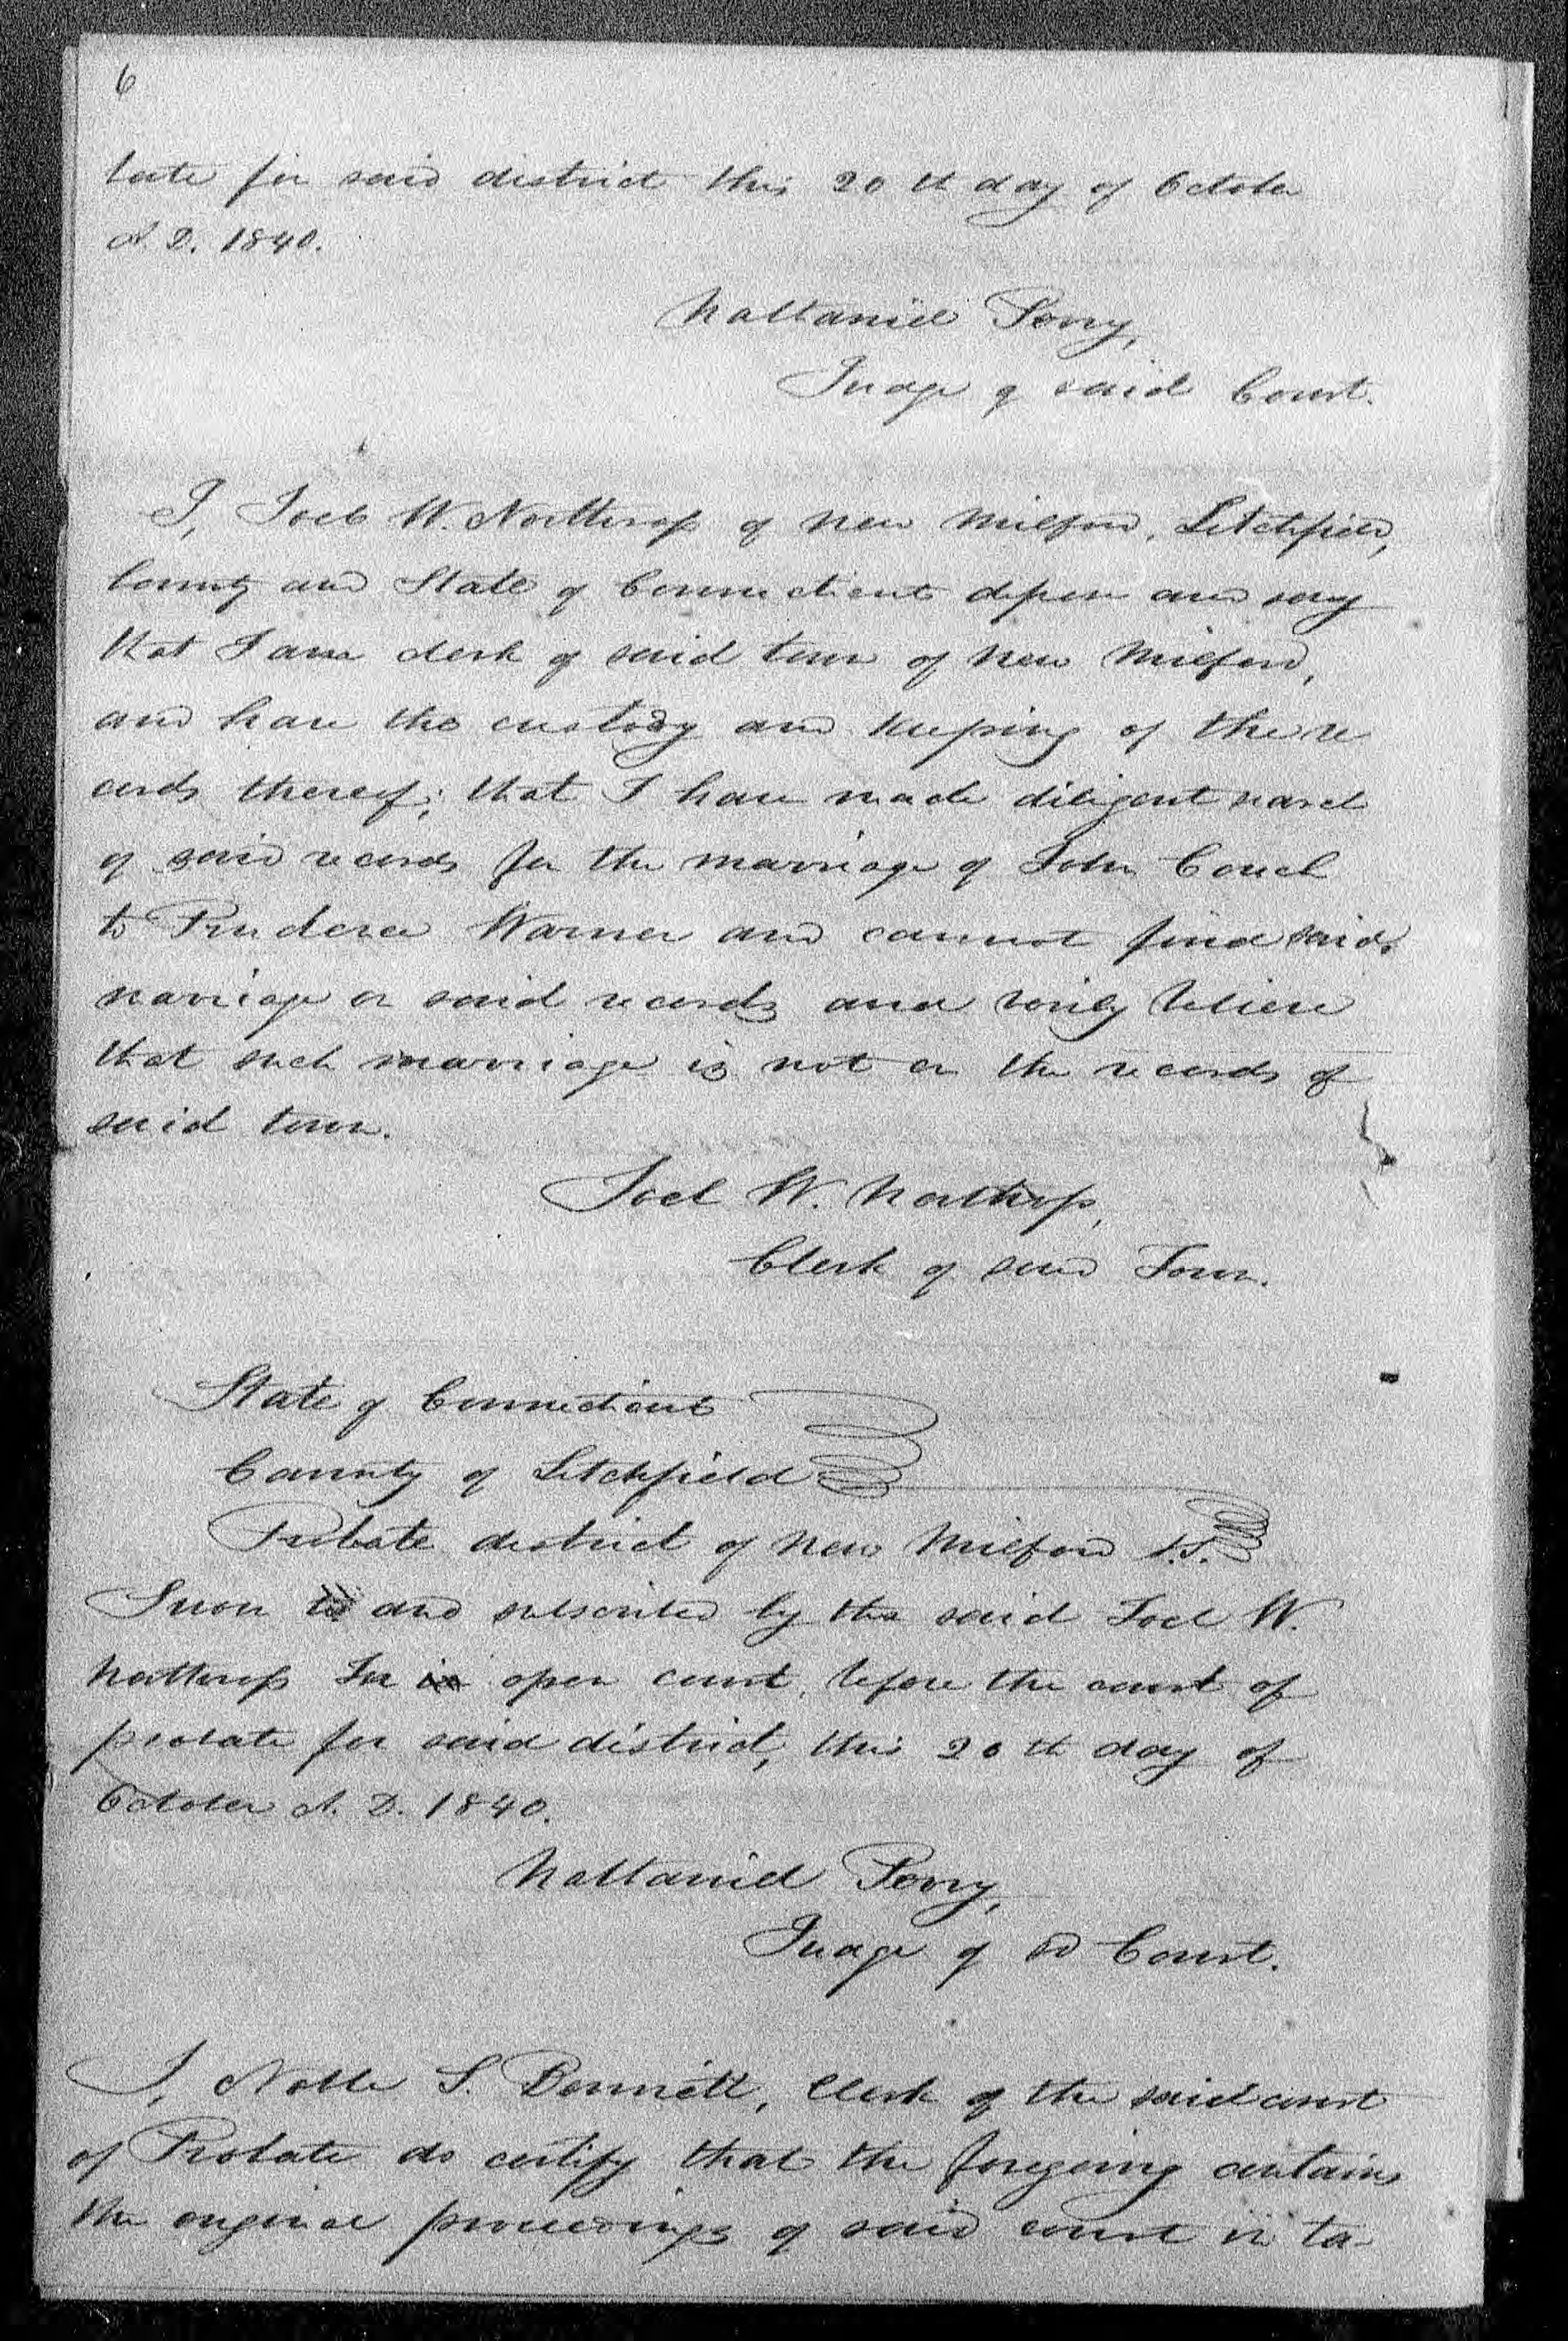bate for said district this 20th day of October AD 1840.
Nathaniel Perry
Judge of said Court

I, Joel W. Northrop of New Milford, Litchfield County and State of Connecticut depose and say that I am clerk of said town of New Milford, and have the custody and keeping of the records thereof; that I have made diligent search of said records for the marriage of John Couch to Prudence Warner and cannot find said marriage or said records and verily believe that such marriage is not on the records of said town.
Joel W. Northrop
Clerk of said Town

State of Connecticut
County of Litchfield} 
Probate District of New Milford ss.
Sworn to and subscribed by the said Joel W. Northrop in open court, before the court of Probate for said district, this 20th day of October AD 1840.
Nathaniel Perry
Judge of sd Court

I, Noble S. Bennett, Clerk of the said court of Probate do certify that the foregoing contains the original proceedings of said court in ta-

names: Prudence Warner, John Couch, Nathaniel Perry, Joel W Northrop, Joel W Northrop, Nathaniel Perry, Joel W Northrop, Noble S Bennitt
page: 7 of 68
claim: rejected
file: R. 2,360, John Couch, Conn.